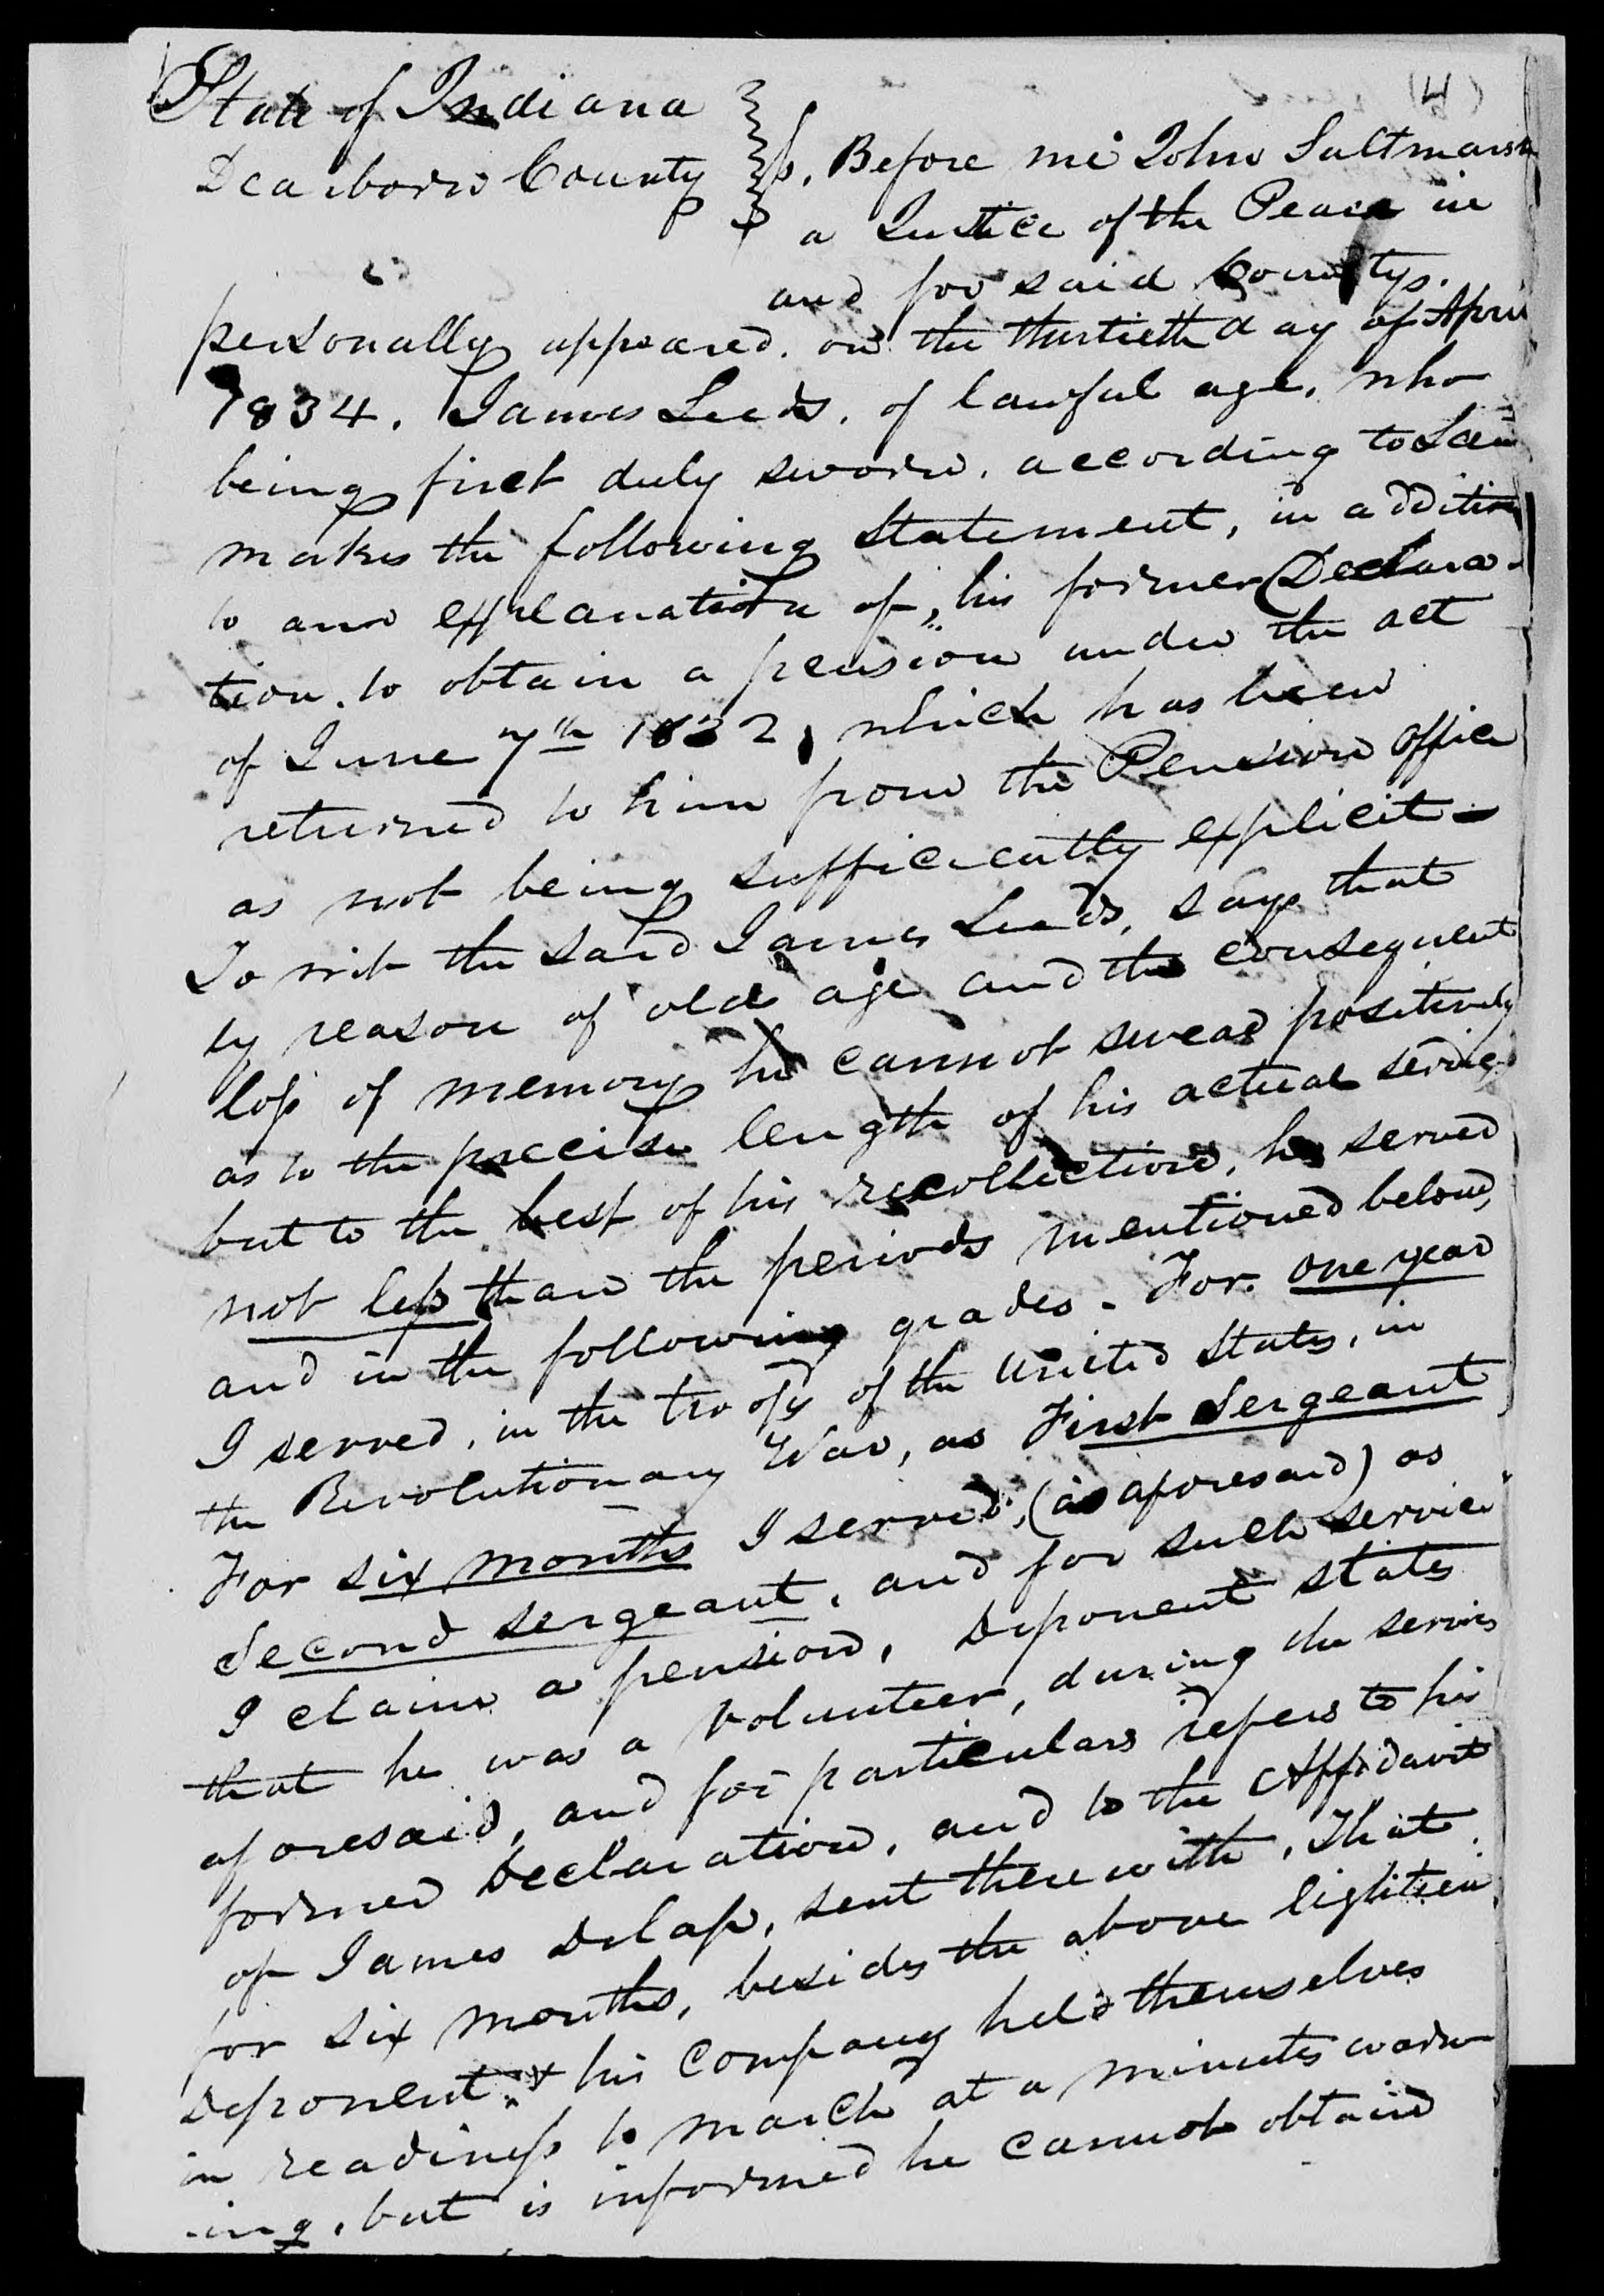[Top right page] 4

State of Indiana Dearborn County  ss.

Before me John Saltmarsh a Justice of the Peace in and for said County. Personally appeared on the thirteeth day of April 1834. James Leeds of lawful age, who being first duly sworn according to Leeds makes the following statement, in addition to an explanation of, his forever Declaration to obtain a pension under the act of June 7th 1832, which has been returned to him from the Pension office as not being sufficiently explicit to wit the said James Leeds says that by reason of old age and the consequent [illegible] of memory he cannot swear positively as to the precise length of his actual service but to the best of his recollection he served not less than the periods mentioned below and in the following grades. For one year I served in the troop of the United States, in the Revolutionary War, as First Sergeant For six months I served (in aforesaid) as Second Sergeant and for such service I claim a pension. [illegible] states that he was a volunteer, during the services aforesaid, and for particulars refers to his forever Declaration, and to the Affidavit of James Delap, sent there with. That for six months, besides the above eighteen [illegible] & his company [illegible] themselves in readings to March at a minutes warning, but is informed he cannot obtain

[remainder of page cutoff]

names: John Saltmarsh; James Leeds; James Delap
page: 37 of 38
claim: survivor's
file: S 31817, for James Leeds, New Jersey